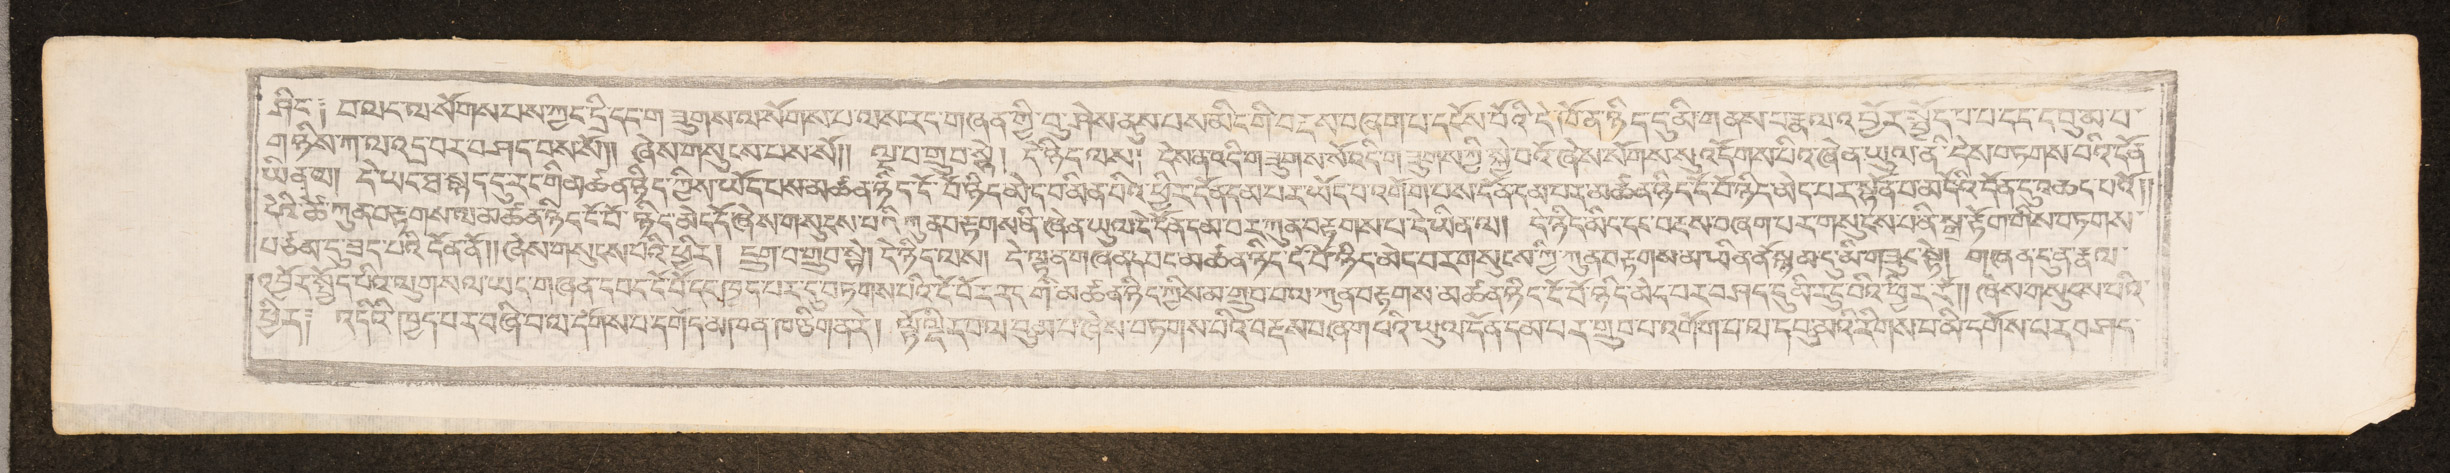ཤིང་། བ་ལད་ལ་སོགས་པས་ཀྱང་དྲི་དང་གཟུགས་ལ་སོགས་པ་ལས་རང་གཞན་གྱི་བུ་ཤེས་ནུས་པས་མིང་གི་བརྡས་བཞག་པ་དངོས་པོའི་དེ་ཁོ་ན་ཉིད་དུ་མི་གནས་པ་རྣལ་འབྱོར་སྤྱོད་པ་བ་དང་དབུ་མ་པ་
གཉིས་ཀ་ལ་འདྲ་བར་བཤད་པས་སོ།། ཞེས་གསུངས་པས་སོ།། ལྔ་པ་གྲུབ་སྟེ། དེ་ཉིད་ལས། དེས་ན་འདི་གཟུགས་སོ་འདི་གཟུགས་ཀྱི་སྐྱེ་བའོ་ཞེས་སོགས་སུ་འདོགས་པའི་ཞེན་ཡུལ་ནི་དེས་བཏགས་པའི་དོན་
ཡིན་ལ། དེ་ཡང་ཐ་སྙད་དུ་རང་གི་མཚན་ཉིད་ཀྱིས་ཡོད་པས་མཚན་ཉིད་ངོ་བོ་ཉིད་མེད་པ་མིན་པའི་ཕྱིར་དོན་དམ་པར་ཡོད་པ་འགོག་པས་དོན་དམ་པར་མཚན་ཉིད་ངོ་བོ་ཉིད་མེད་པར་སྟོན་པ་མདོའི་དོན་དུ་འཆད་པའོ།།
དེའི་ཚེ་ཀུན་བརྟགས་ལ་མཚན་ཉིད་ངོ་བོ་ཉིད་མེད་དོ་ཞེས་གསུངས་པའི་ཀུན་བརྟགས་ནི་ཞེན་ཡུལ་དེ་དོན་དམ་པར་ཀུན་བརྟགས་པ་དེ་ཡིན་ལ། དེ་ཉིད་མིང་དང་བརྡས་བཞག་པར་གསུངས་པ་ནི་སྒྲ་རྟོག་གིས་བཏགས་
བ་ཙམ་དུ་ཟད་པའི་དོན་ནོ།། ཞེས་གསུངས་པའི་ཕྱིར། དྲུག་པ་གྲུབ་སྟེ། དེ་ཉིད་ལས། དེ་ལྷ་ན་གཞན་དབང་མཚན་ཉིད་ངོ་བོ་ཉིད་མེད་པར་གསུངས་ཀྱི་ཀུན་བརྟགས་མ་ཡིན་ནོ་སྙམ་དུ་མི་གཟུང་སྟེ། གཞན་དུ་ན་རྣལ་
འབྱོར་སྤྱོད་པའི་ལུགས་ལ་ཡང་གཞན་དབང་ངོ་བོ་དང་ཁྱད་པར་དུ་བཏགས་པའི་ངོ་བོར་རང་གི་མཚན་ཉིད་ཀྱིས་མ་གྲུབ་པ་ལ་ཀུན་བརྟགས་མཚན་ཉིད་ངོ་བོ་ཉིད་མེད་པར་བཤད་དུ་མི་རུང་བའི་ཕྱིར་རོ།། ཞེས་གསུངས་པའི་
ཕྱིར༑ འདིའི་ཁྱད་པར་བཞི་པ་ལ་དོགས་པ་དགོད་མཁན་ཁ་ཅིག་ན་རེ། ལྟོ་ལྡིར་བལ་བུམ་པ་ཞེས་བཏགས་པའི་བརྡས་བཞག་པའི་ཡུལ་དོན་དམ་པར་གྲུབ་པ་འགོག་པ་ལ་དབུ་མའི་རིགས་པ་མི་དགོས་པར་བཤད་